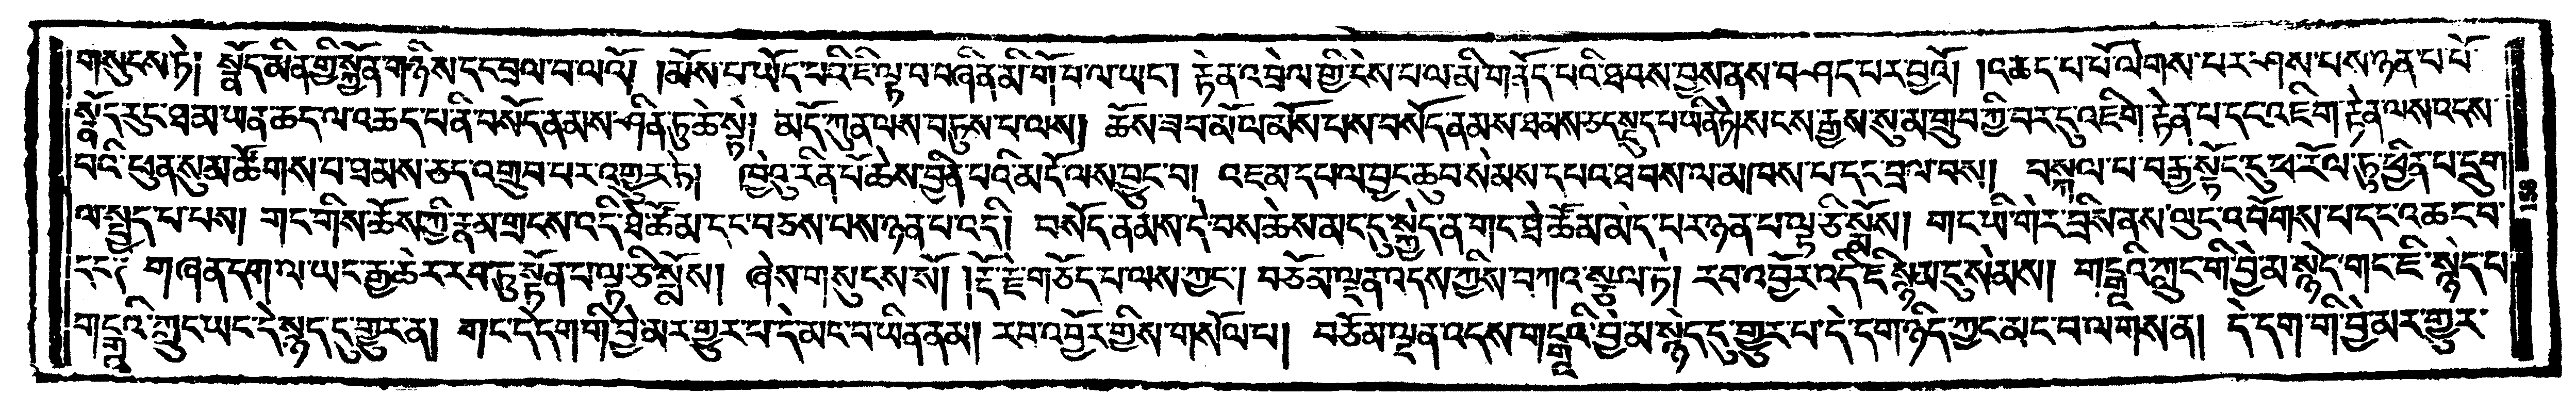གསུངས་ཏེ། སྣོད་མིན་གྱི་སྐྱོན་གཉིས་དང་བྲལ་བ་ལའོ། །མོས་པ་ཡོད་པའི་ཇི་ལྟ་བ་བཞིན་མི་གོ་བ་ལ་ཡང་། རྟེན་འབྲེལ་གྱི་ངེས་པ་ལ་མི་གནོད་པའི་ཐབས་བྱས་ནས་བཤད་པར་བྱའོ། །འཆད་པ་པོ་ལེགས་པར་ཤེས་པས་ཉན་པ་པོ་
སྣང་རུང་ཐ་མ་ཡན་ཆད་ལ་འཆད་པ་ནི་བསོད་ནམས་ཤིན་ཏུ་ཆེ་སྟེ། མདོ་ཀུན་ལས་བཏུས་པ་ལས། ཆོས་ཟབ་མོ་ལ་མོས་པས་བསོད་ནམས་ཐམས་ཅད་སྡུད་པ་ཡིན་ཏེ། སངས་རྒྱས་སུ་མ་གྲུབ་ཀྱི་བར་དུ་འཇིག་རྟེན་པ་དང་འཇིག་རྟེན་ལས་འདས་
པའི་ཕུན་སུམ་ཚོགས་པ་ཐམས་ཅད་འགྲུབ་པར་འགྱུར་ཏེ། ཁྱེའུ་རིན་པོ་ཆེས་བྱིན་པའི་མདོ་ལས་བྱུང་བ། འཇམ་དཔལ་བྱང་ཆུབ་སེམས་དཔའ་ཐབས་ལ་མཁས་པ་དང་བྲལ་བས། བསྐལ་པ་བརྒྱ་སྟོང་དུ་ཕ་རོལ་ཏུ་ཕྱིན་པ་དྲུག་
ལ་སྤྱད་པ་བས། གང་གིས་ཆོས་ཀྱི་རྣམ་གྲངས་འདི་ཐེ་ཚོམ་དང་བཅས་པས་ཉན་པ་འདི། བསོད་ནམས་དེ་བས་ཆེས་མང་དུ་སྐྱེད་ན་གང་ཐེ་ཚོམ་མེད་པར་ཉན་པ་ལྟ་ཅི་སྨོས། གང་ཡི་གེར་བྲིས་ནས་ལུང་འབོགས་པ་དང་འཆང་བ་
དང༑ གཞན་དག་ལ་ཡང་རྒྱ་ཆེར་རབ་ཏུ་སྟོན་པ་ལྟ་ཅི་སྨོས། ཞེས་གསུངས་སོ། །རྡོ་རྗེ་གཅོད་པ་ལས་ཀྱང་། བཅོམ་ལྡན་འདས་ཀྱིས་བཀའ་སྩལ་ཏེ། རབ་འབྱོར་འདི་ཇི་སྙམ་དུ་སེམས། གངྒཱའི་ཀླུང་གི་བྱེ་མ་སྙེད་གང་ཇི་སྙེད་པ་
གངྒཱའི་ཀླུང་ཡང་དེ་སྙེད་དུ་གྱུར་ན། གང་དེ་དག་གི་བྱེ་མར་གྱུར་པ་དེ་མང་བ་ཡིན་ནམ། རབ་འབྱོར་གྱིས་གསོལ་པ། བཅོམ་ལྡན་འདས་གངྒཱའི་བྱེ་མ་སྙེད་དུ་གྱུར་པ་དེ་དག་ཉིད་ཀྱང་མང་བ་ལགས་ན། དེ་དག་གི་བྱེ་མར་གྱུར་